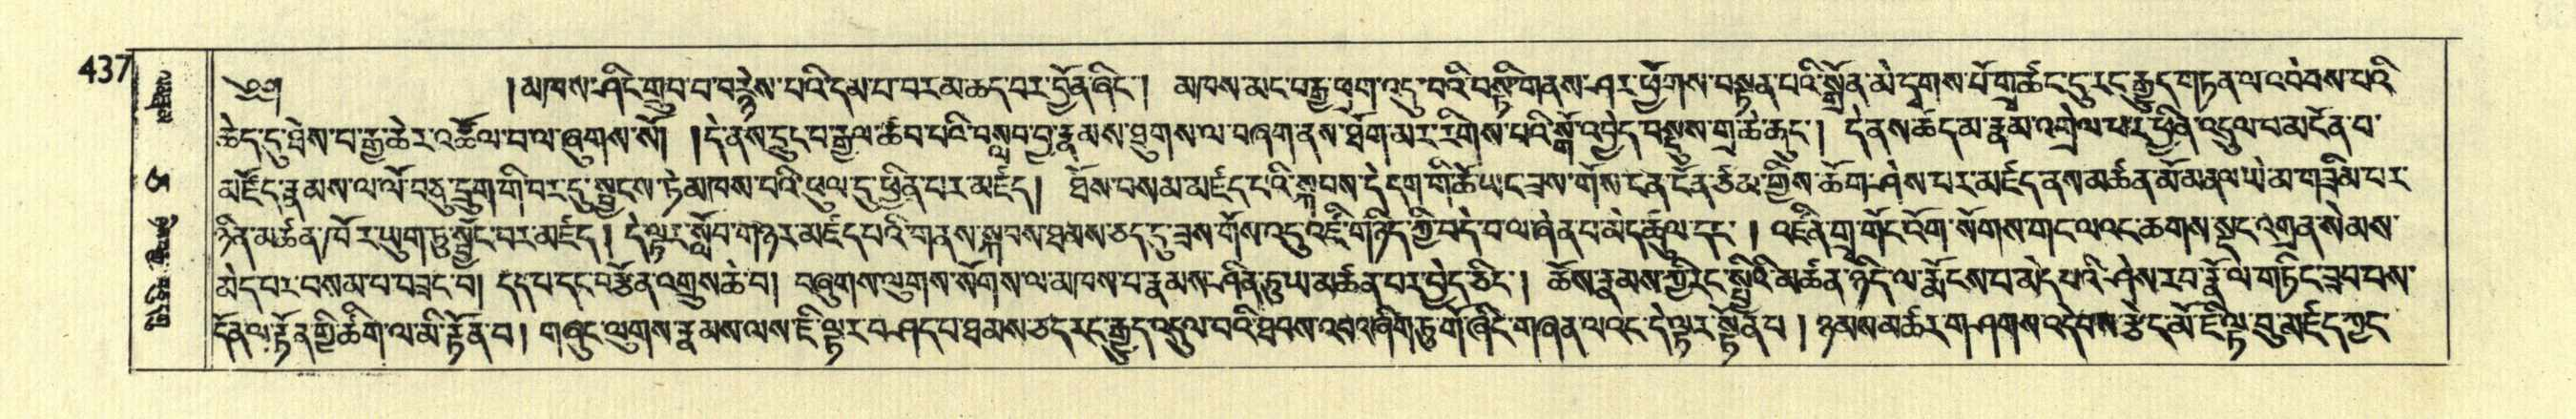༄༅། །མཁས་ཤིང་གྲུབ་བ་བརྙེས་པའི་དམ་པ་བར་མ་ཆད་བར་བྱོན་ཞིང་། མཁས་མང་བརྒྱ་ཕྲག་འདུ་བའི་བསྟི་གནས་ཤར་ཕྱོགས་བསྟན་པའི་སྒྲོན་མེ་དྭགས་པོ་གྲྭ་ཚང་དུ་རང་རྒྱུད་གཏན་ལ་འབེབས་པའི་
ཆེད་དུ་ཐེས་པ་རྒྱ་ཆེར་འཚོལ་བ་ལ་ཞུགས་སོ། །དེ་ནས་དྲུང་བ་རྒྱལ་ཚབ་པའི་བསླབ་བྱ་རྣམས་ཐུགས་ལ་བཞག་ནས་ཐོག་མར་རིགས་པའི་སྒོ་འབྱེད་བསྡུས་གྲ་ཆེ་ཆུང་། དེ་ནས་ཚད་མ་རྣམ་འགྲེལ་ཕར་ཕྱིན་འདུལ་བ་མངོན་པ་
མཛོད་རྣམས་ལ་ལོ་བཅུ་དྲུག་གི་བར་དུ་སྦྱངས་ཏེ་མཁས་པའི་ཕུལ་དུ་ཕྱིན་པར་མཛད། ཐོས་བསམ་མཛད་པའི་སྐབས་དེ་དག་གི་ཆོ་ཡང་ཟས་གོས་ངན་ངོན་ཙམ་གྱིས་ཆོག་ཤེས་པར་མཛད་ནས་མཚན་མོ་མནལ་ཡེ་མ་གཟིམ་པར་
ཉིན་མཚན་ཁོར་ཡུག་ཏུ་སྦྱོང་བར་མཛད། དེ་ལྟར་སློབ་གཉར་མཛད་པའི་གནས་སྐབས་ཐམས་ཅད་དུ་ཟས་གོས་འདུ་འཛི་གཉིད་ཀྱི་བདེ་བ་ལ་ཞེན་པ་མེད་ཚུལ་དང་། འཛིན་གྲྭ་གོང་འོག་སོགས་གང་ལའང་ཆགས་སྡང་འགྲན་སེམས་
མེད་པར་བསམ་པ་བཟང་བ། དད་པ་དང་བརྩོན་འགྲུས་ཆེ་བ། བཞུགས་ལུགས་སོགས་ལ་མཁས་པ་རྣམས་ཤིན་ཏུ་ཡ་མཚན་པར་བྱེད་ཅིང་། ཆོས་རྣམས་ཀྱི་རང་སྤྱིའི་མཚན་ཉིད་ལ་རྨོངས་པ་མེད་པའི་ཤེས་རབ་རྣོ་ལ་གཏིང་ཟབ་པས་
དོན་ལ་རྟོན་གྱི་ཚིག་ལ་མི་རྟོན་པ། གཞུང་ལུགས་རྣམས་ལས་ཇི་ལྟར་བཤད་པ་ཐམས་ཅད་རང་རྒྱུད་འདུལ་བའི་ཐབས་འབའ་ཞིག་ཏུ་གོ་ཞིང་གཞན་ལའང་དེ་ལྟར་སྟོན་པ། ཉམས་མཚར་གཤགས་འདེབས་རྩེད་མོ་ཇི་ལྟ་བུ་མཛད་ཀྱང་